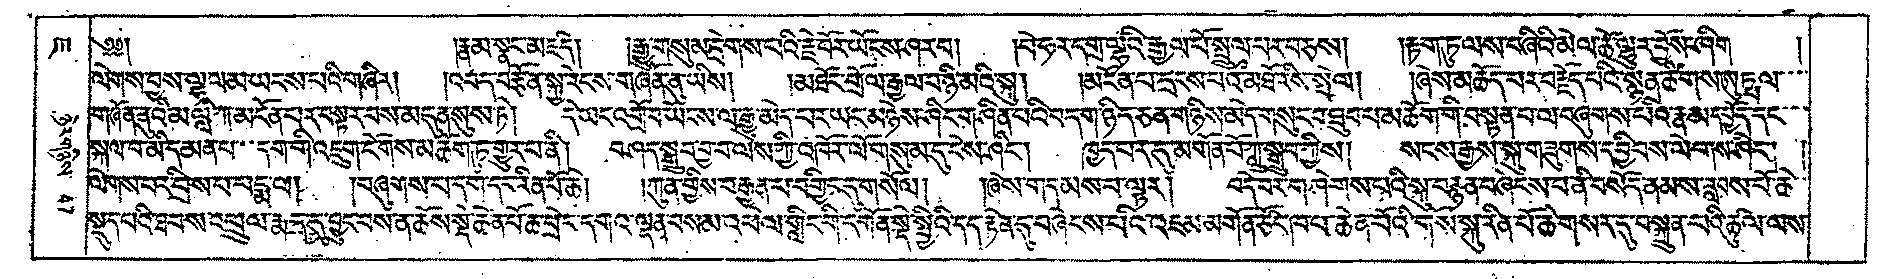༄༅། །རྣམ་སྣང་མཛད། །རྒྱུ་གསུམ་དྲེགས་པའི་རྗེ་བོར་ཡོངས་ཤར་བ། །པེ་ཧར་དགྲ་ལྷའི་རྒྱལ་པོ་སྤྲུལ་པར་བཅས། །རྟག་ཏུ་ལས་བཞིའི་མེལ་ཚེ་ལྷུར་བྱོས་ཤིག །
ལེགས་བྱས་ལྷ་ལམ་ཡངས་པའི་གཞིར། །འབད་བརྩོན་སྐྱ་རེངས་གཞོན་ནུ་ཡིས། །མཐོང་གྲོལ་རྒྱལ་བ་ཉི་མའི་སྐུ། །མངོན་པ་དྲངས་པའི་མཐོ་རིས་སྤེལ། །ཞེས་མཆོད་པར་བརྗོད་པའི་སྙན་ཚིགས་ཨུཏྤལ་
གཞོན་ནུའི་མལླི་ཀ་མངོན་པར་བསྟར་བས་མདུན་སུས་ཏེ། དེ་ཡང་འགྲོ་བ་ཡོངས་ལ་རྒྱུ་མེད་པར་ཡང་མཉེས་ཤིང་གཤིན་པའི་བདག་ཉིད་ཅན་གཉིས་མེད་གསུང་བ་ཐུབ་པ་མཆོག་གི་བསྟན་པ་ལ་བཞུགས་པའི་རྣམ་དཔྱོད་དང་
སྐལ་བ་མི་དམན་པ་དག་གི་འཇུག་ངོགས་མཆོག་ཏུ་གྱུར་པ་ནི། བཤད་སྒྲུབ་བྱ་བ་ལས་ཀྱི་འཁོར་ལོ་གསུམ་དུ་ངེས་ཤིང་། ཁྱད་པར་དུ་མགོན་པོ་ཀླུ་སྒྲུབ་ཀྱིས། སངས་རྒྱས་སྐུ་གཟུགས་དབྱིབས་ལེགས་ཤིང་། །
ལེགས་པར་བྲིས་པ་པདམ་ལ། །བཞུགས་པ་དག་དང་རིན་པོ་ཆེ། །ཀུན་གྱིས་བརྒྱན་པ་བགྱིད་དུ་གསོལ། །ཞེས་གདམས་པ་ལྟར། བདེ་བར་གཤེགས་པའི་སྐུ་བརྙན་བཞེངས་པ་ནི་བསོད་ནམས་རླབས་པོ་ཆེ་
སྡུད་པའི་ཐབས་འཕྲུལ་རྨད་དུ་བྱུང་བས་ན་ཆོས་སྡེ་ཆེན་པོ་ཆ་ཕྲེང་དགའ་ལྡན་བསམ་འཕེལ་གླིང་གི་དགོན་སྡེ་སྤྱིའི་དད་རྟེན་དུ་བཞེངས་པའི་འཇམ་མགོན་ཙོང་ཁ་པ་ཆེན་པོའི་གོས་སྐུ་རིན་པོ་ཆེ་གསར་དུ་བསྐྲུན་པའི་ཚུལ་ལས་